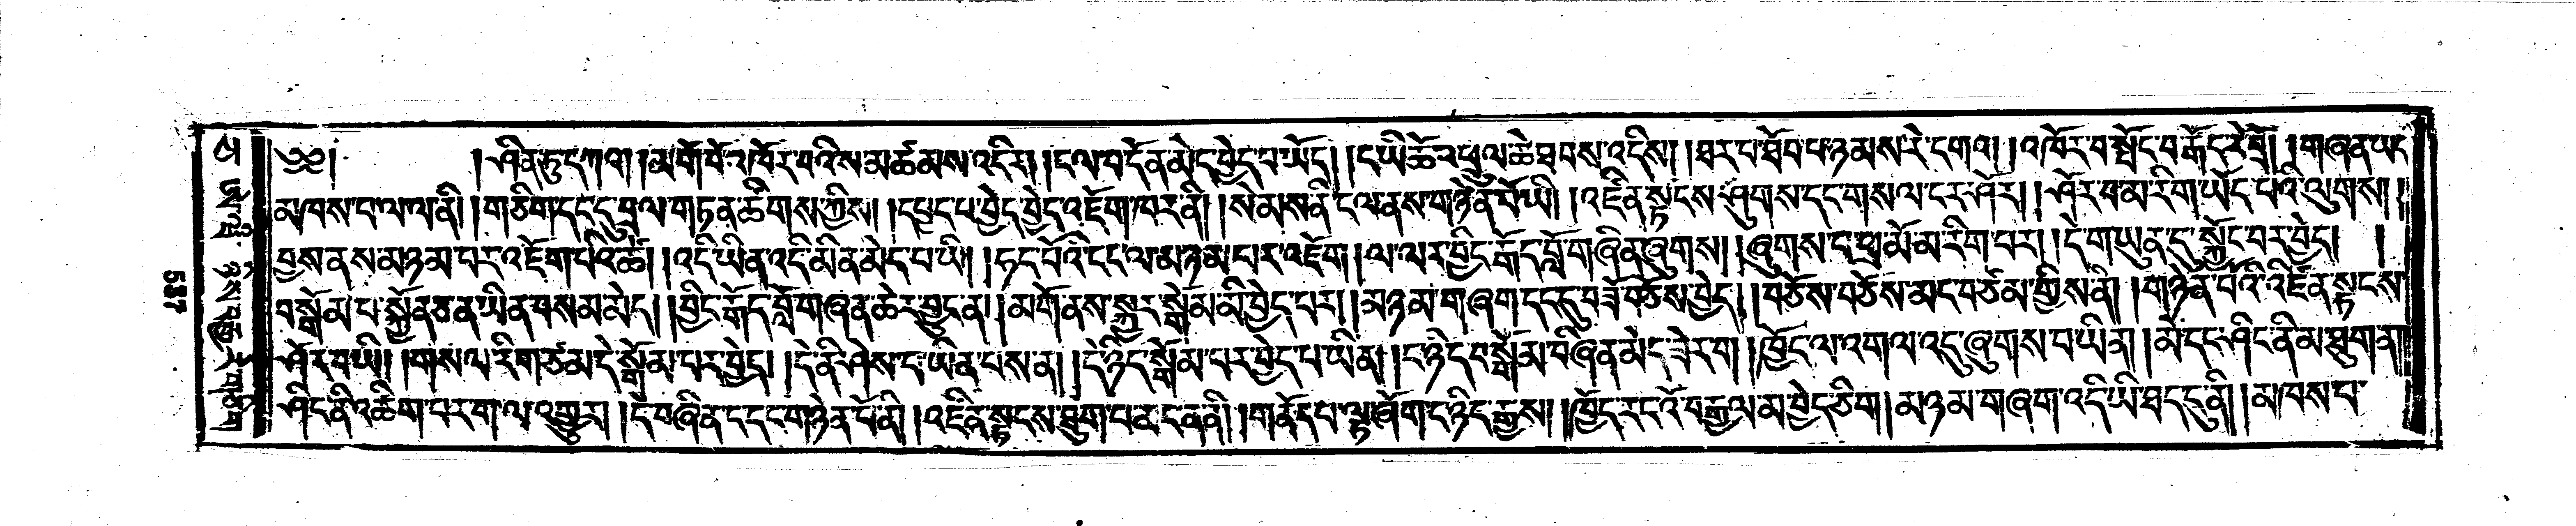༄༅། །ཤིན་ཏུ་དཀའ། །མགོ་བོ་འཁོར་བའི་ས་མཚམས་འདིར། །ངལ་བ་དོན་མེད་བྱེད་པ་ཡོད། །ང་ཡི་ཆོ་འཕྲུལ་ཆེ་ཐབས་འདིས། །ཐར་པ་ཐོབ་པ་ཉམས་རེ་དགའ། །འཁོར་བ་སྤོང་བ་རྒོད་དེ་བྲོ། །གཞན་ཡང་
མཁས་པ་ལ་ལ་ནི། །གཅིག་དང་དུ་བྲལ་གཏན་ཚིག་ཀྱིས། །དཔྱད་པ་བྱེད་བྱེད་འཇོག་ཁར་ནི། །སེམས་ནི་ངལ་ནས་གཉེན་པོ་ཡི། །འཛིན་སྟངས་ཤུགས་དང་གསལ་ངར་ཤོག། །ཤོར་བ་མ་རིག་ཡོད་པའི་ལུགས། །
བྱས་ནས་མཉམ་པར་འཇོག་པའི་ཚེ། །འདི་ཡིན་འདི་མིན་མེད་པ་ཡི། །ཧང་པོའི་ངང་ལ་མཉམ་པར་འཇོག །ལ་ལར་བྱིང་རྒོད་བློ་གཞན་ཞུགས། །ཞུགས་པ་ཕྲ་མོ་མ་རིག་པར། །དེ་ག་ཡུན་དུ་སྐྱོང་བར་བྱེད། །
བསྒོམ་པ་སྐྱོན་ཅན་ཡིན་བསམ་མེད། །བྱིང་རྒོད་བློ་གཞན་ཆེར་བྱུང་ན། །མགོ་ནས་སྐྱར་སྒོམ་མི་བྱེད་པར། །མཉམ་གཞག་དང་དུ་བཟོ་བཅོས་བྱེ།ད་།བཅོས་བཅོས་མང་བ་ཙམ་གྱིས་ནི། །གཉེན་པོའི་འཛིན་སྟངས་
ཤོར་བ་ཡི། །གསལ་རིག་ཙམ་དེ་སྒོམ་པར་བྱེད། །དེ་ནི་ཤེས་པ་ཡིན་པས་ན། །དེ་ཉིད་སྒོམ་པར་བྱེད་པ་ཡིན། །ང་ཉིད་བསྒོམ་བཞིན་མེད་ཟེར་བ། །ཁྱོད་ལ་འགལ་འདུ་ཞུགས་པ་ཡིན། །མེ་དང་ཤིང་ནི་མ་ཐུག་ན། །
ཤིང་ནི་འཚིག་པར་ག་ལ་འགྱུར། །དེ་བཞིན་ང་དང་གཉེན་པོ་ནི། །འཛིན་སྟངས་ཐུག་པ་མང་ན་ནི། །གནོད་པ་ལྟ་ཞོག་ང་ཉིད་རྒྱས། །ཁྱོད་རང་འོ་བརྒྱལ་མ་བྱེད་ཅིག །མཉམ་གཞག་འདི་ཡི་ཐད་དུ་ནི། །མཁས་པ་